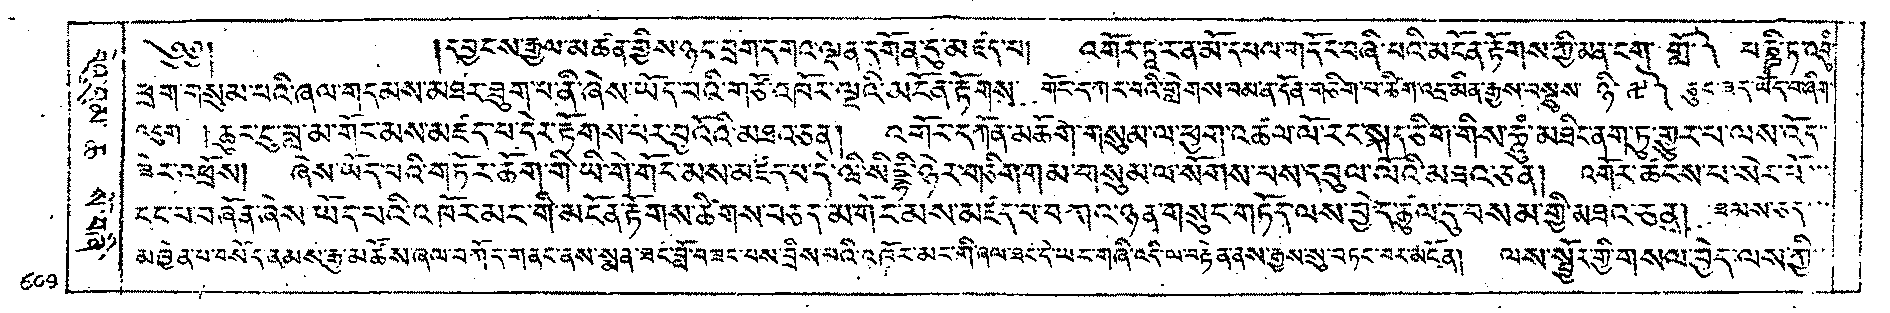༄༅། །དབྱངས་རྒྱལ་མཚན་གྱིས་ཉང་བྲག་དགའ་ལྡན་དགོན་དུ་མཛད་པ། འགོར་ཏཱ་ར་ན་མོ་དཔལ་གདོང་བཞི་པའི་མངོན་རྟོགས་ཀྱི་མན་ངག་གླ྄ོ་པཎྜི་ཏ་འབུཾ་
ཕྲག་གསུམ་པའི་ཞལ་གདམས་མཐར་ཐུག་པ་ནི་ཞེས་ཡོད་པའི་གཙོ་འཁོར་ལྔའི་མངོན་རྟོགས་གོང་དཀར་བའི་གླེགས་བམ་ན་དོན་གཅིག་པ་ཚིག་འདྲ་མིན་རྒྱས་བསྡུས་ཉི~྾?་ཅུང་ཟད་ཡོད་པ་ཞིག་
འདུག །ཆུང་ངུ་བླ་མ་གོང་མས་མཛད་པ་དེར་རྟོགས་པར་བྱའོའི་མཐའ་ཅན། འགོར་དཀོན་མཆོག་གསུམ་ལ་ཕྱག་འཚལ་ལོ་རང་སྐད་ཅིག་གིས་ཧཱུཾ་མཐིང་ནག་ཏུ་གྱུར་པ་ལས་འོད་ཟེར་འཕྲོས། ཞེས་ཡོད་པའི་གཏོར་ཆོག་གི་ཡི་གེ་གོང་མས་མཛད་པ་དེ་ཝི་སིདྡྷི་ཉེར་གཅིག་གམ་གསུམ་ལ་སོགས་པས་དབུལ་ལོའི་མཐའ་ཅན། འགོར་ཚངས་པ་སེར་པོ་
ངང་པ་བཞོན་ཞེས་ཡོད་པའི་འཁོར་མང་གི་མངོན་རྟོགས་ཚིགས་བཅད་མགོང་མས་མཛད་པ་བཀའ་ཉན་གསུང་གཏོད་ལས་བྱེད་ཚུལ་དུ་བསམ་གྱི་མཐའ་ཅན། ཐམས་ཅད་
མཁྱེན་པ་བསོད་ནམས་རྒྱ་མཚོས་ཞལ་བཀོད་གནང་ནས་སྨན་ཐང་བློ་བཟང་པས་བྲིས་པའི་འཁོར་མང་གི་ཞལ་ཐང་དེ་ཡང་གཞི་འདི་ལ་བརྟེན་ནས་རྒྱས་སུ་བཏང་བར་མངོན། ལས་སྦྱོར་གྱི་གསལ་བྱེད་ལས་ཀྱི་